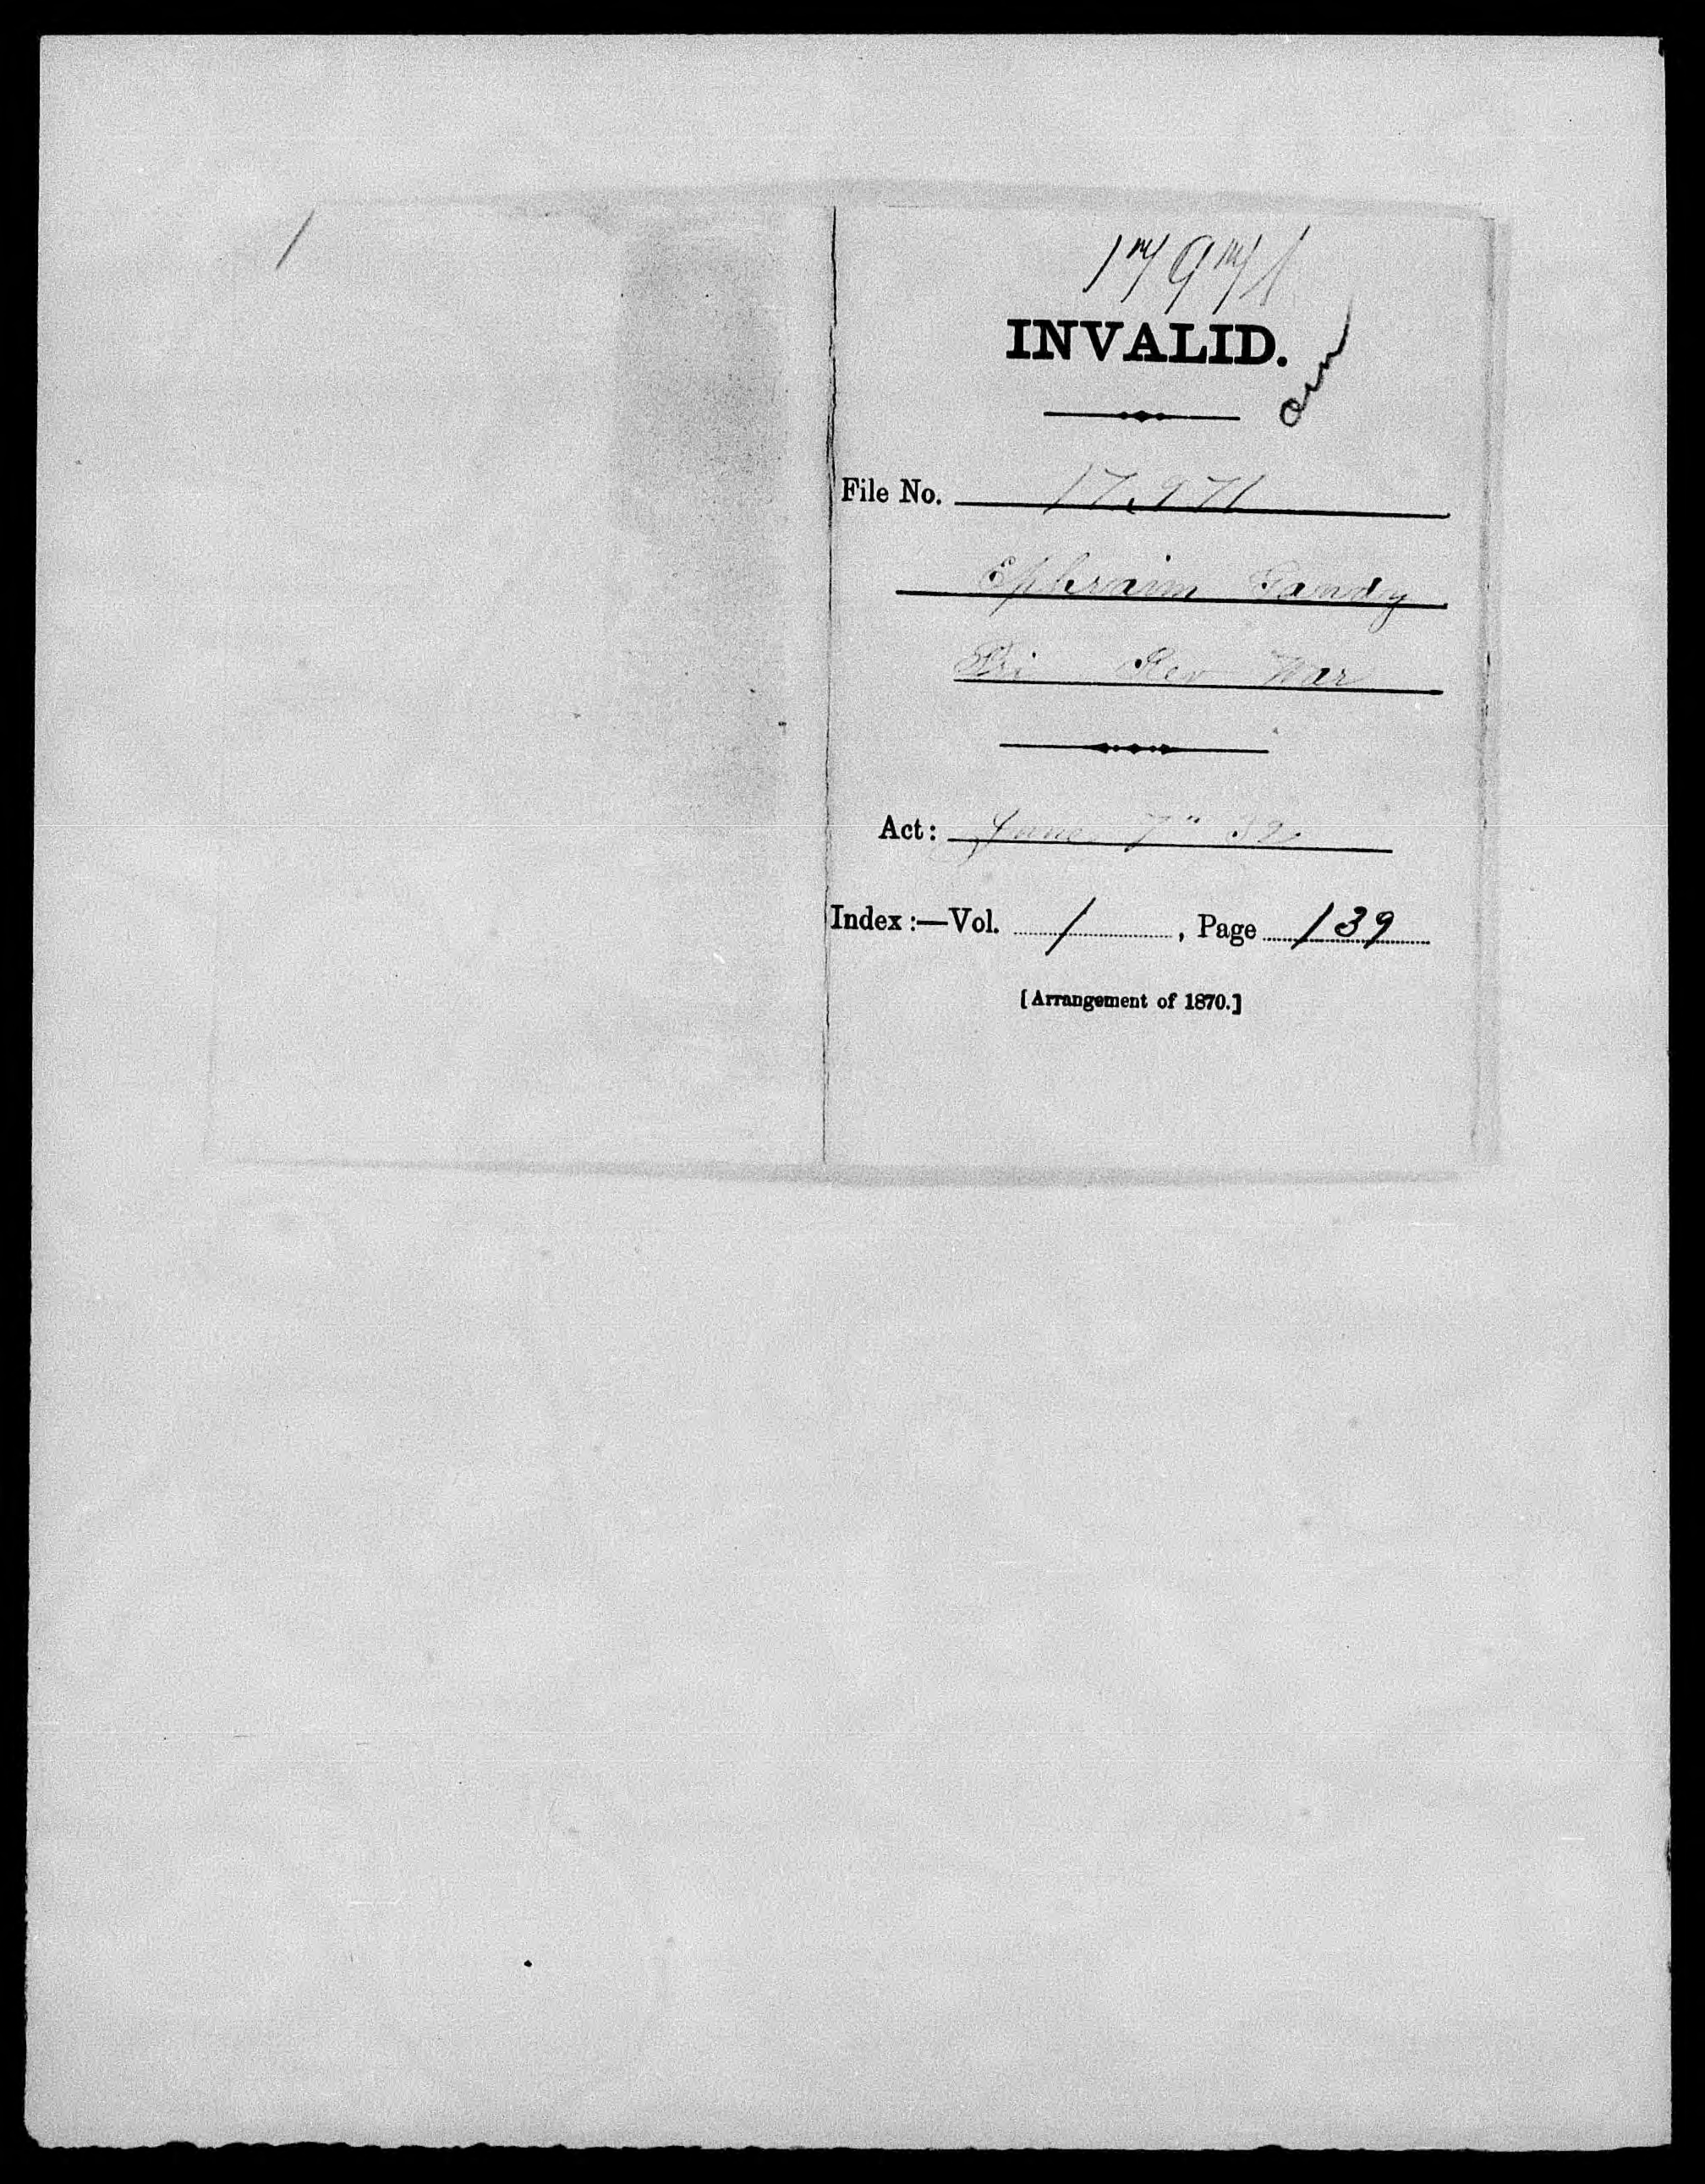17971
INVALID.
________
File No. 17.971
Ephraim Gaudy
Pri.  Rev.  War
_____________
Act: June 7"  32
Index:-Vol. 1 ,  Page 139
[Arrangement of 1870.]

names: Ephraim Gaudy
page: 12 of 12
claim: survivor's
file: S. 17971, Ephraim Gaudy, N.C. S.C.